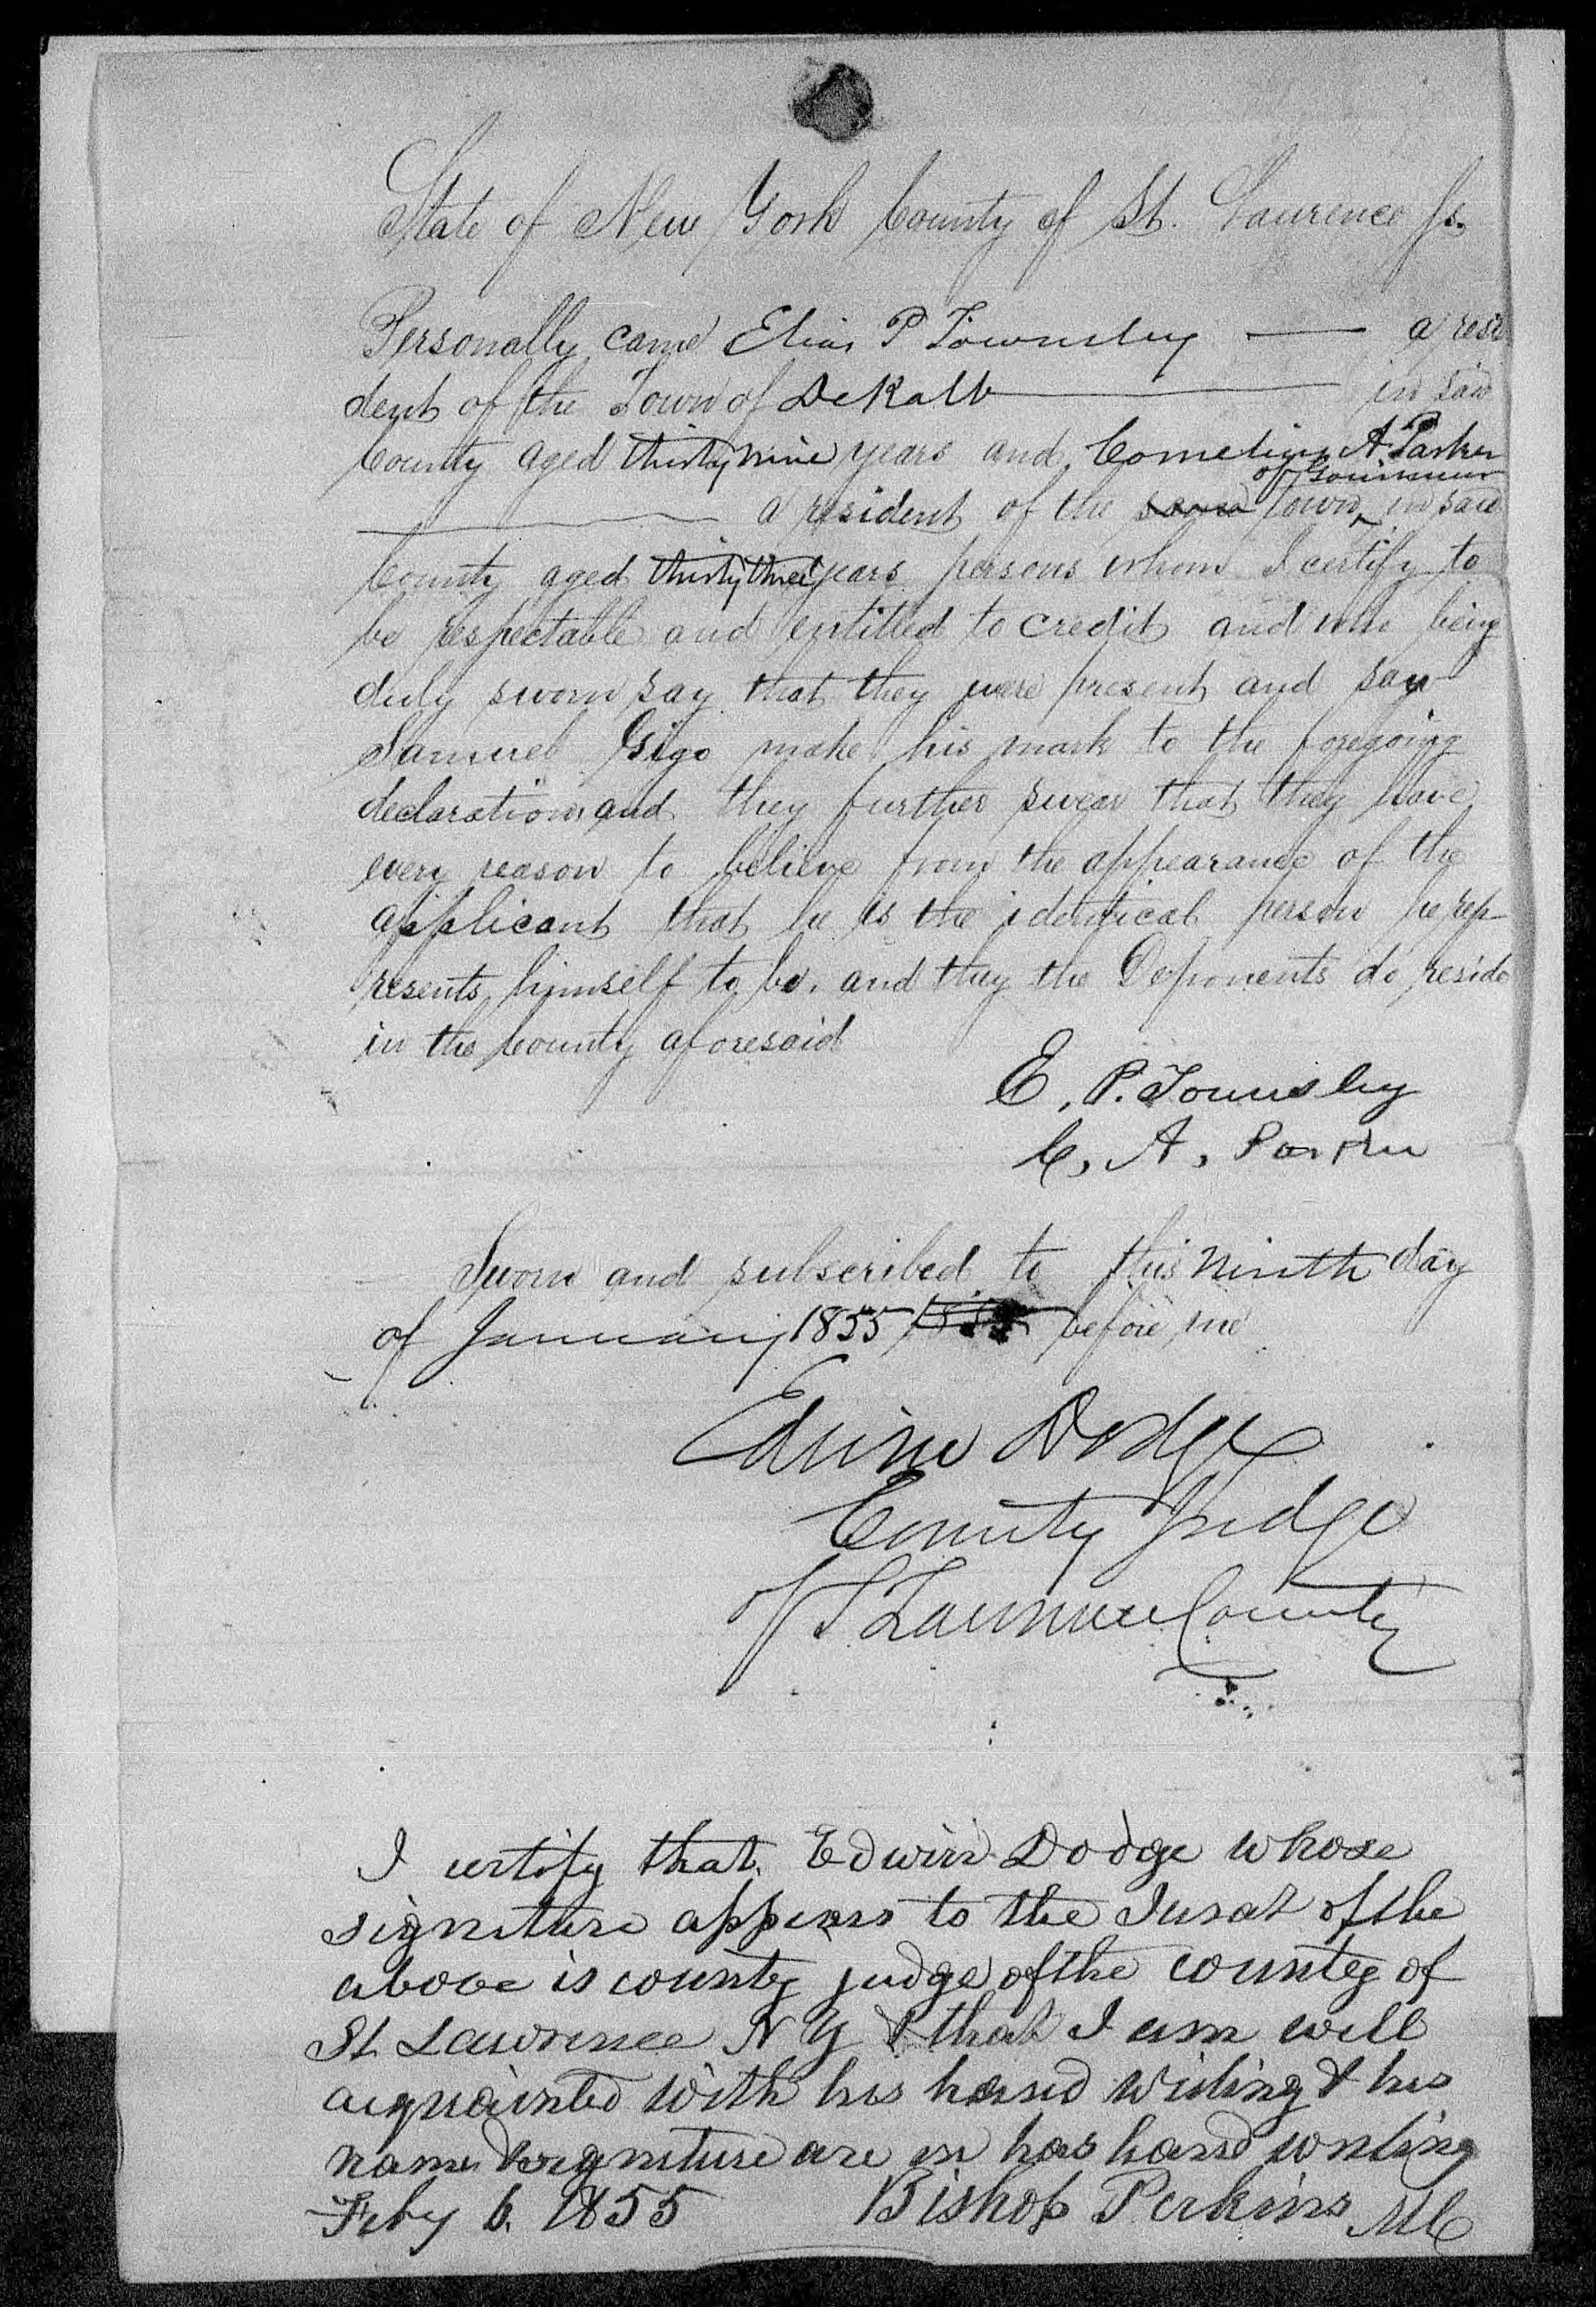State of New York  County of St. Lawrence ss
Personally came Elias P Townsley - a resident of the Town of DeKalb - in said County age thirty nine years and Cornelius A. Parker - a resident of the town of Gouverneur? in said county aged thirty three years persons whom I certify to be respectable and entitled to credit and who being duly sworn say that they were present and say Samuel Gigo make his mark to the foregoing declaration and they further swear that they have every reason to believe from the appearance of the applicants he is the identical person he represents  himself to be, and they the deponents do reside in the County aforesaid\

E. P. Townsley
C, A, Parker

Sworn and subscribed to this ninth day of January 1855 before me
Edwin Dodge
County Judge of S Lawrence County

I certify that Edwin Dodge whose signiture appears to the Jusat? of the above is county judge of the county of St Lawrence N Y & that I am well acquainted with his hand writing & his name signiture are in his hand writing
Bishop Perkins MC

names: Samuel Gigo, Cornelius A Parker, Elias P Townsley, C A Parker, Edwin Dodge, Bishop Perkins, Edwin Dodge, E P Townsley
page: 10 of 98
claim: widow's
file: W. 21182, Francis Gigo, Continental (Canadian)